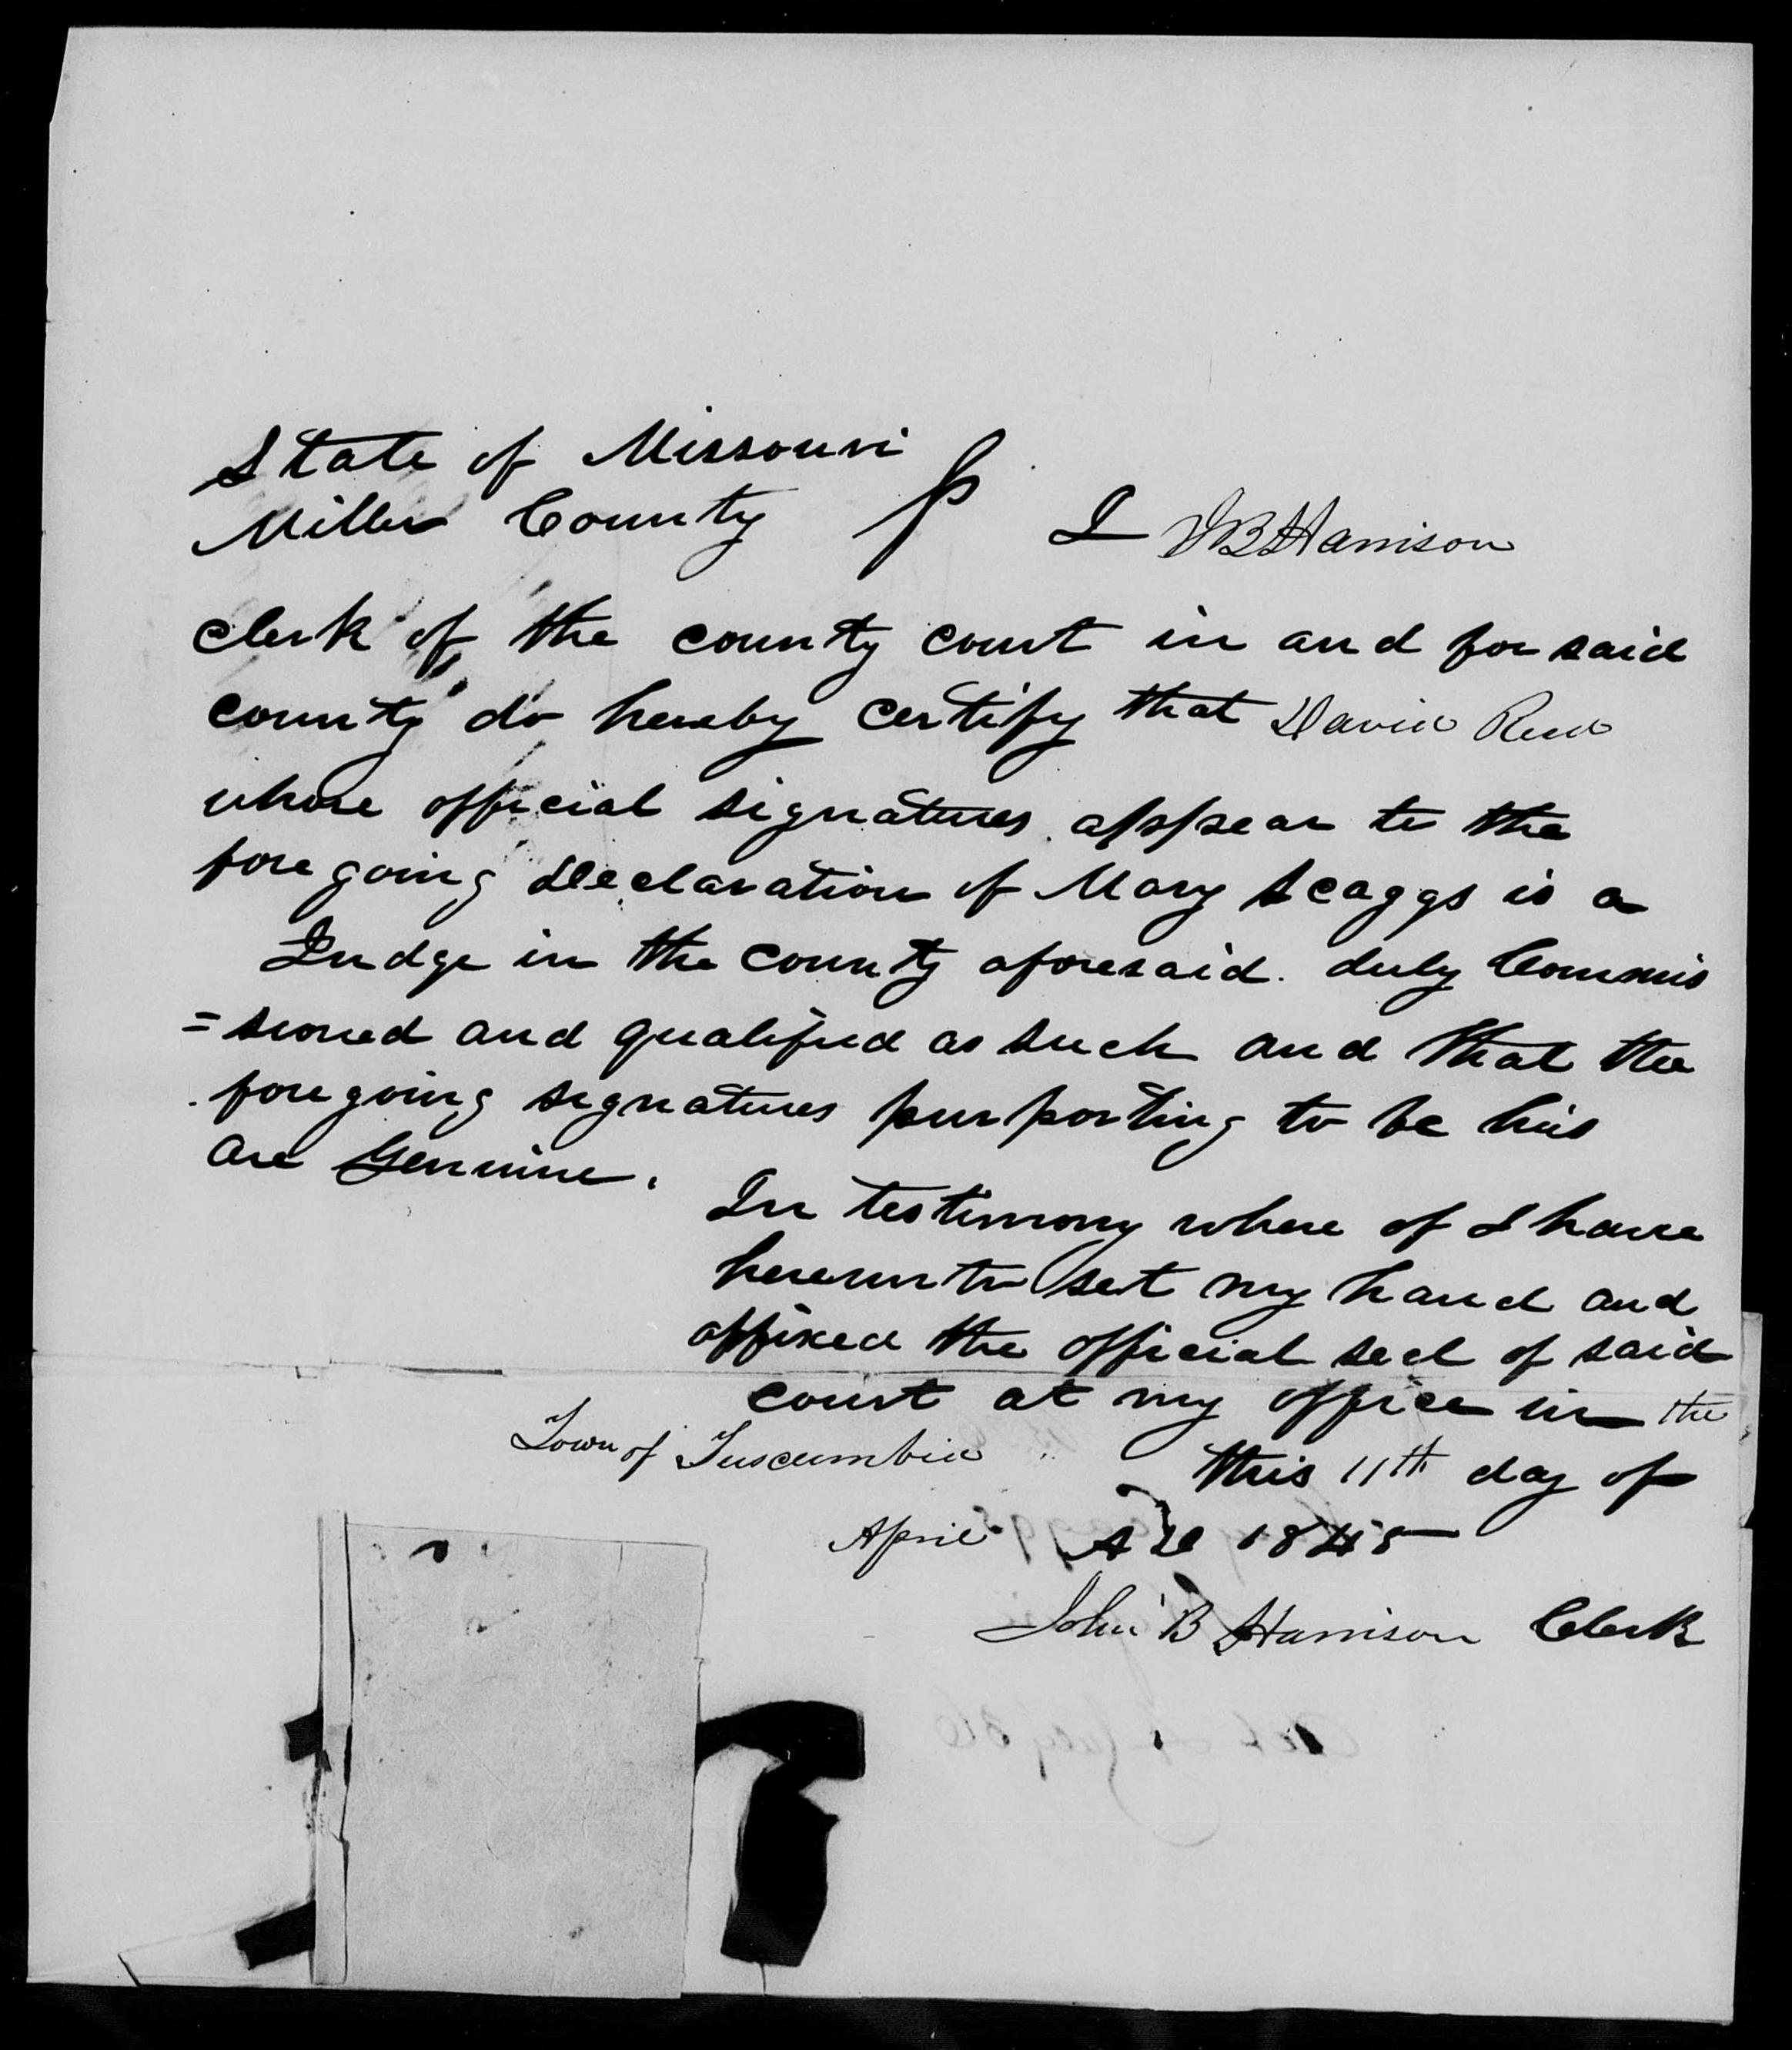State of Missouri 
Miller County I J B Harrison Clerk  of the County Court in and for said County do hereby certify that David Reed whose official signatures appear to the foregoing declaration of Mary Scaggs is a Judge in the County aforesaid duly Commissioned sou nd and qualified as such and that the foregoing signatures purporting to be his are Genuine. In testimony where of I have hereunto set my hand and affixed the official seal of said Court at my office in the Town of Tuscumbia this 11th day of April AD 1848 
John B Harrison Clerk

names: J B Harrison, John B Harrison, Mary Scaggs, David Reed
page: 14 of 16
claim: rejected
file: R. 9,250, Fletcher Edwards, S.C.